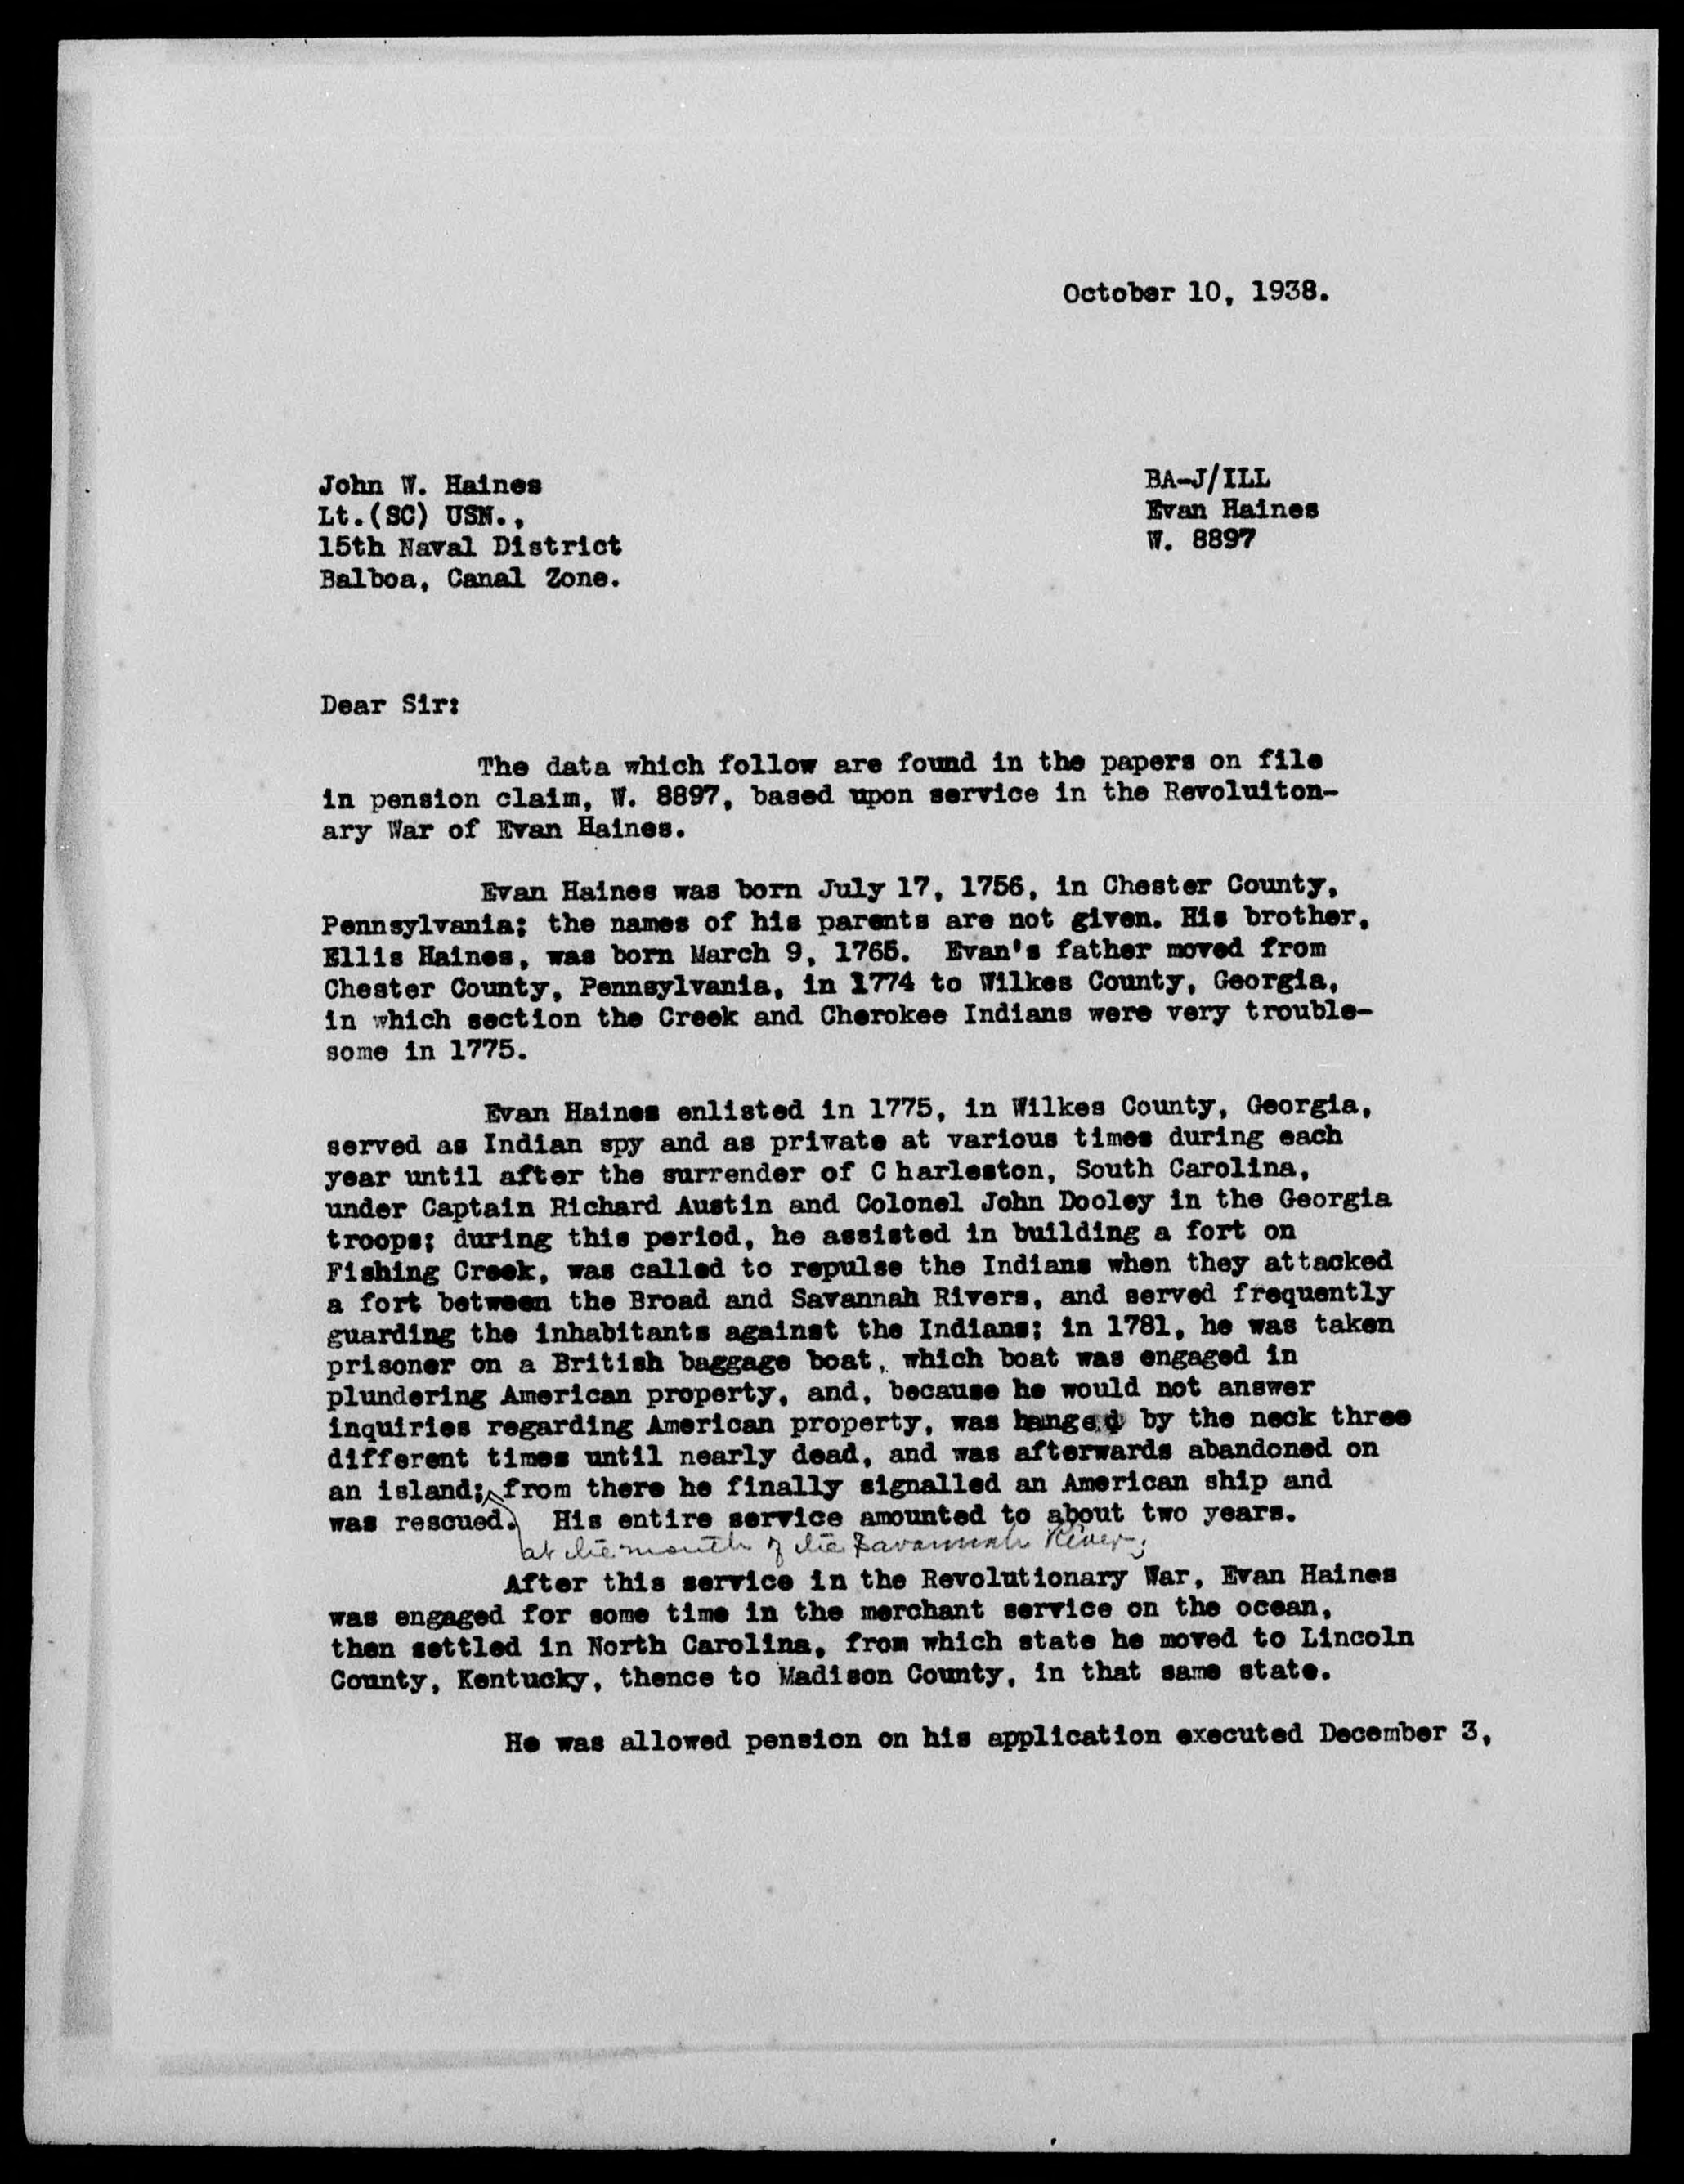Typed Letter
October 10, 1938

John W Haines
Lt. (SC) USN.,
15th Naval District
Balboa, Canal Zone

BA-J/ILL
Evan Haines 
W. 8897

Dear Sir:
          The data which follow are found in the papers on file in pension claim, W. 8897, based upon service in the Revolutionary War of Evan Haines.
          Evan Haines was born July 17, 1756, in Chester County, Pennsylvania; the names of his parents are not given. His brother, Ellis Haines, was born March 9, 1765. Evan's father moved from Chester County, Pennsylvania, in 1774 to Wilkes County, Georgia, in which section the Creek and Cherokee Indians were very troublesome in 1775.
            Evan Haines enlisted in 1775, in Wilkes County, Georgia, served as Indian spy and as private at various times during each year until after the surrender of Charleston, South Carolina, under Captain Richard Austin and Colonel John Dooley in the Georgia Troops; during this period, he assisted in building a fort on Fishing Creek, was called to repulse the Indians when they attacked a fort between the Broad and Savannah Rivers, and served frequently guarding the inhabitants against the Indians; in 1781, he was taken prisoner on a British baggage boat, which boat was engaged in plundering American property, was hanged by the neck three different times until nearly dead, and was afterwards abandoned on an island; [at the mouth of the Savannah River] (written in pen) from there he finally signaled an American ship and was rescued. His entire service amounted to about two years. 
             After this service in the Revolutionary War, Evan Haines was engaged for some time in the merchant service on the ocean, then settled in North Carolina, from which state he moved to Lincoln County, Kentucky, thence to Madison County, in that same state. 
                He was allowed pension on his application executed December 3,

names: John W Haines, Evan, Evan Haines, Richard Austin, John Dooley, Ellis Haines, Charleston, Evan Haines, Evan Haines, Evan Haines, Evan Haines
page: 19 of 34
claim: widow's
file: W. 8897, Evan Haines, Ga